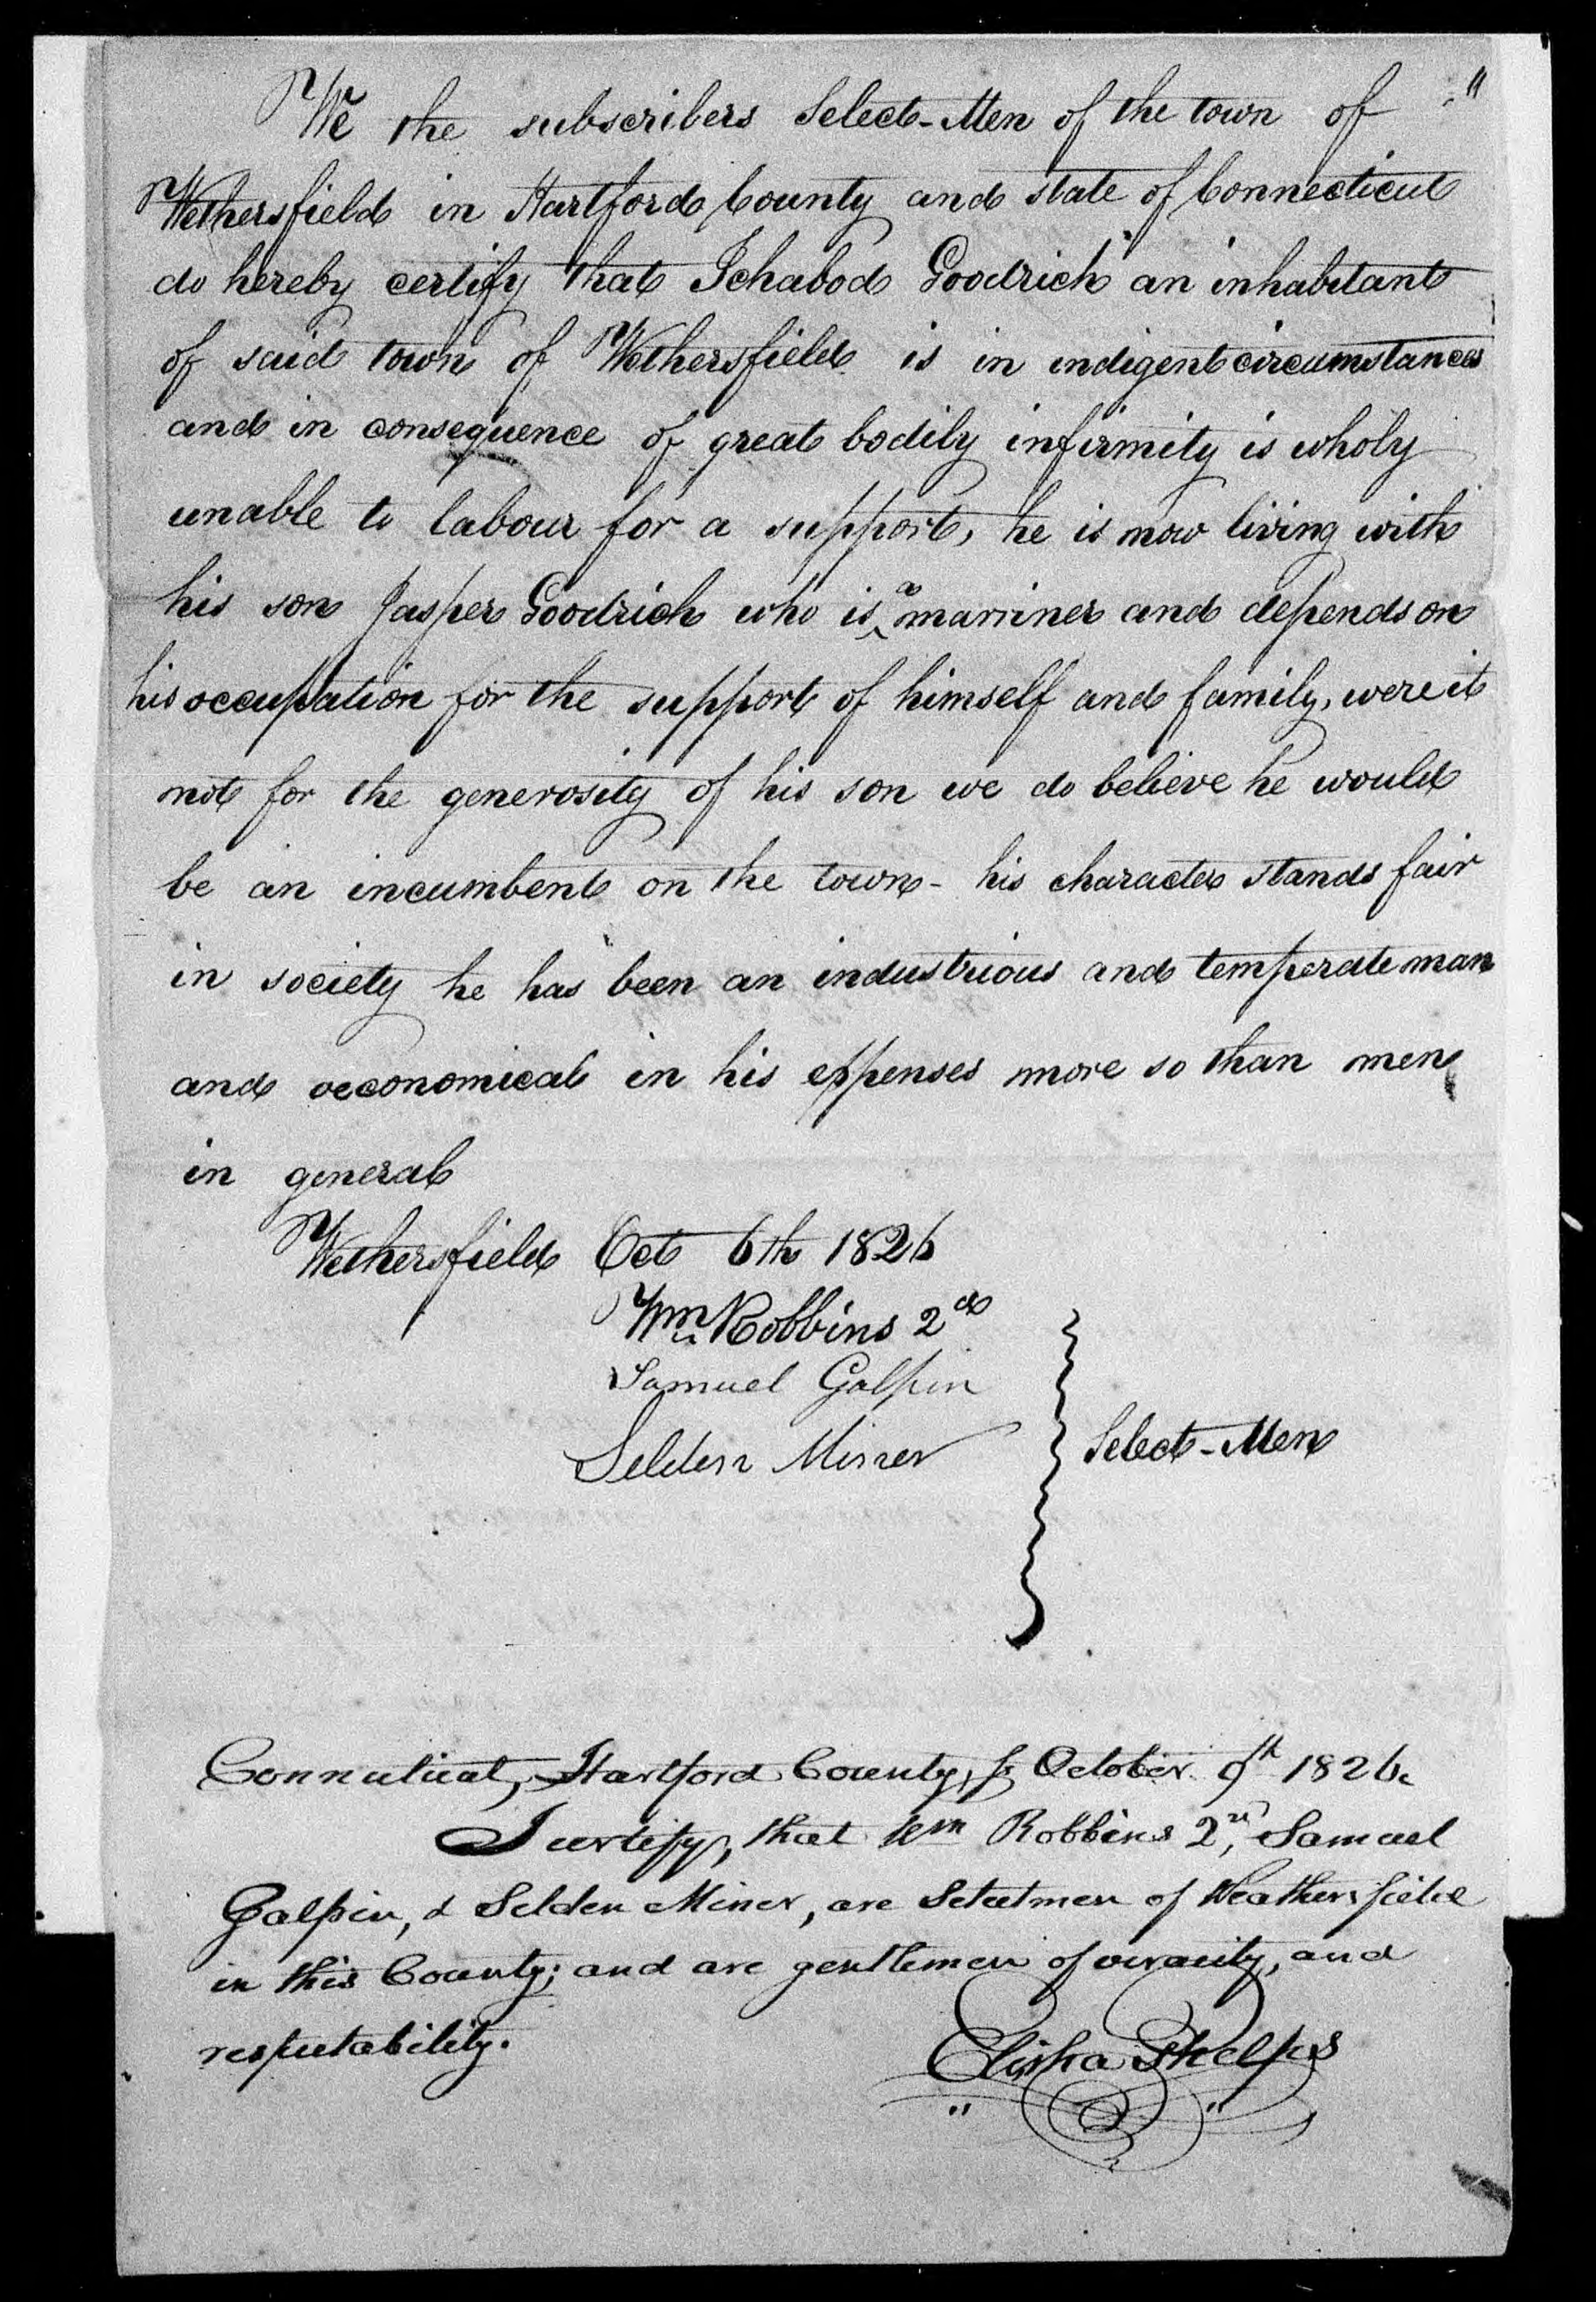We the subscribers Select Men of the town of Wethersfield in Hartford County and state of Connecticut do hereby certify that Ichabod Goodrich an inhabitant of said town of Wethersfield is in indigent circumstances and in consequence of great bodily infirmity is wholy unable to labor for a support, he is now living with his son Jasper Goodrich who is married and depends on his occupation for the support of himself and family, were it not for the generosity of his son we do believe he would be an incumbent on the town. His character stands fair in society he has been an industrious and temperate man and economical in his expenses more so than men in general.
Wethersfield Oct 6th 1826
Wm. Robbins 2nd
Samuel Galpin
Selden Miner } Select-Men

Connecticut Hartford County, Ss October 9th 1826
I certify that Wm. Robbins 2nd, Samuel Galpin, & Selden Miner, are Selectmen of Wethersfield in this County; and are gentlemen of veracity and respectability.
Elisha S. Phelps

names: Samuel Galpin, Wm Robbins, Samuel Galpin, Jasper Goodrich, Ichabod Goodrich, Selden Miner, Selden Miner, Elisha Phelps, Wm Robbins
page: 44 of 46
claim: survivor's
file: S. 36,556, Ichabod Goodrich, Conn.